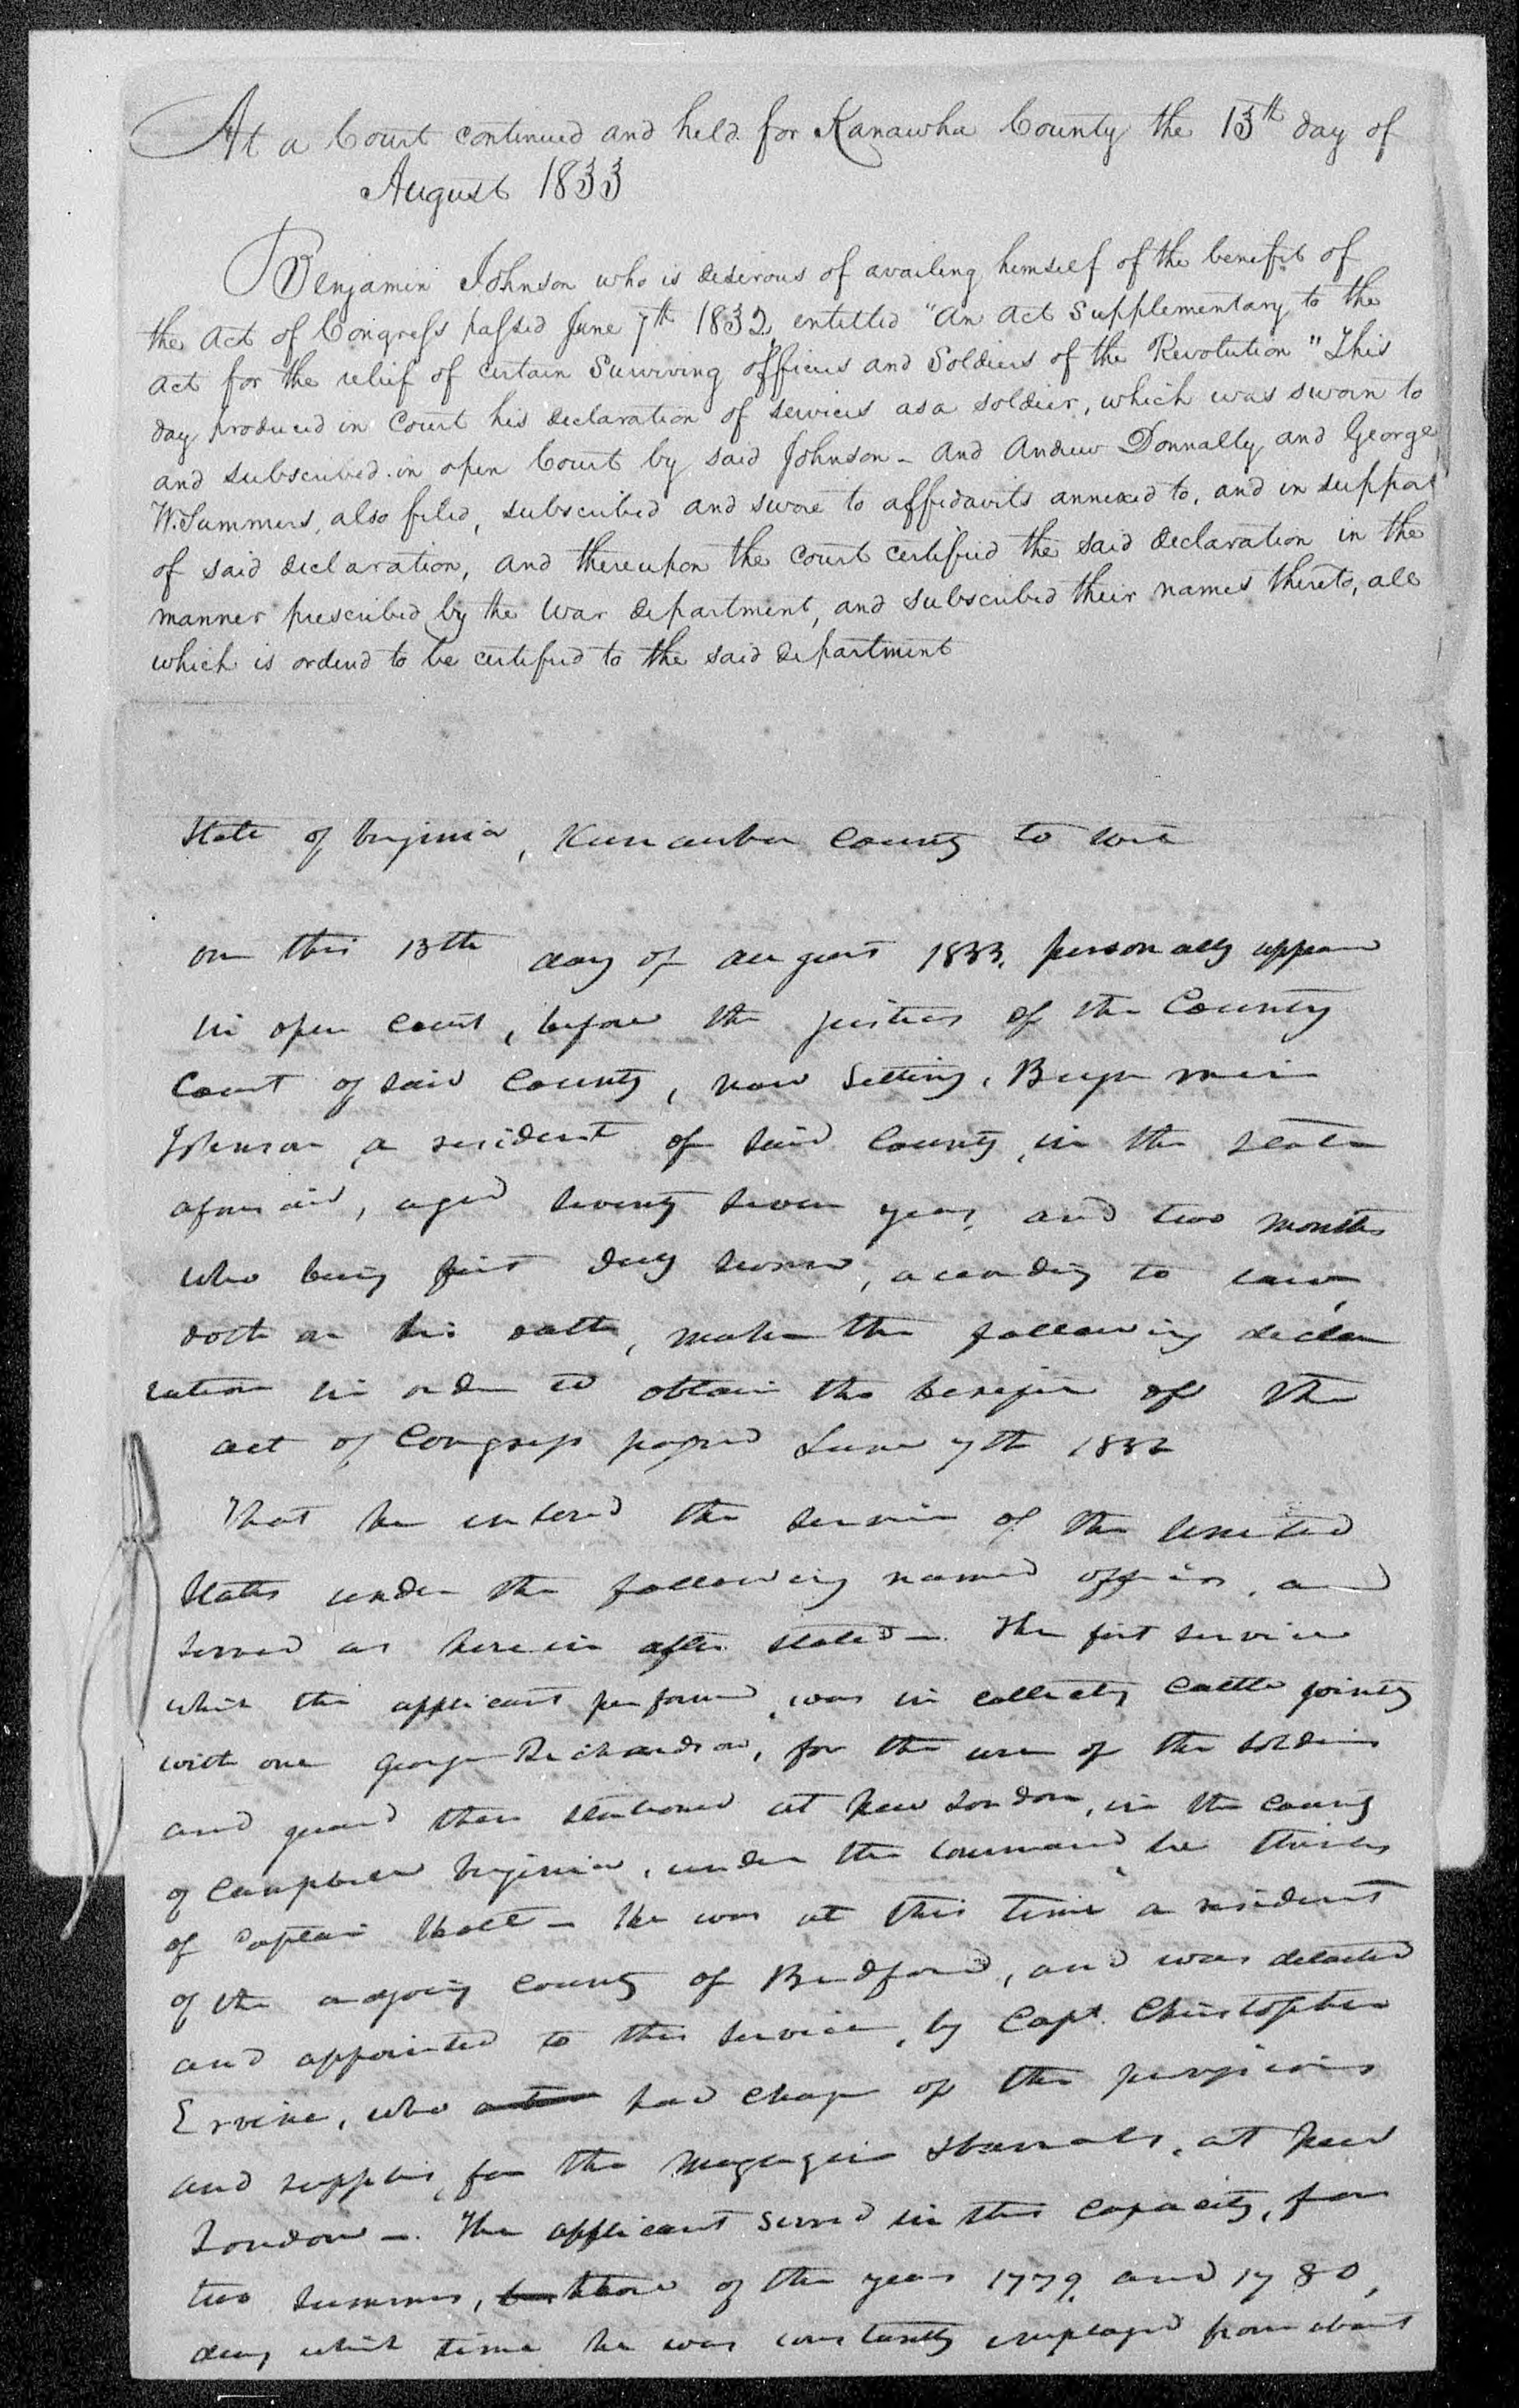State of Virginia, Kanawha County to wit on this 13th day of August 1833 personally appeared in open court, before the Justices of the County Court of said County, now sitting. Benjamin Johnson a resident of said County in the state aforesaid, aged seventy seven years and two months who being first duly sworn, according to law doth on his oath make the following declaration in order to obtain the benefit of the act of Congress passed June 7th 1832     
that he entered the service of the United States under the following named officers and served as herein after stated - the first service which this applicant performed was in collecting cattle jointly with one George Richardson, for the use of the soldiers and guard then stationed at New London, in the County of Campbell Virginia under the command he thinks of Captain Ebace-- he was at this time a resident of the adjoining county of Bedford, and was detached and appointed to this service by Capt. Christopher Ervine who had charge of the provisions and supplies for the [unreadable], at New London - The applicant served in this capacity, for two summers, those of the year 1779 and 1780 during which time he was constantly employed from about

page: 2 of 17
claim: rejected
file: R. 5674, for Benjamin Johnson, Virginia